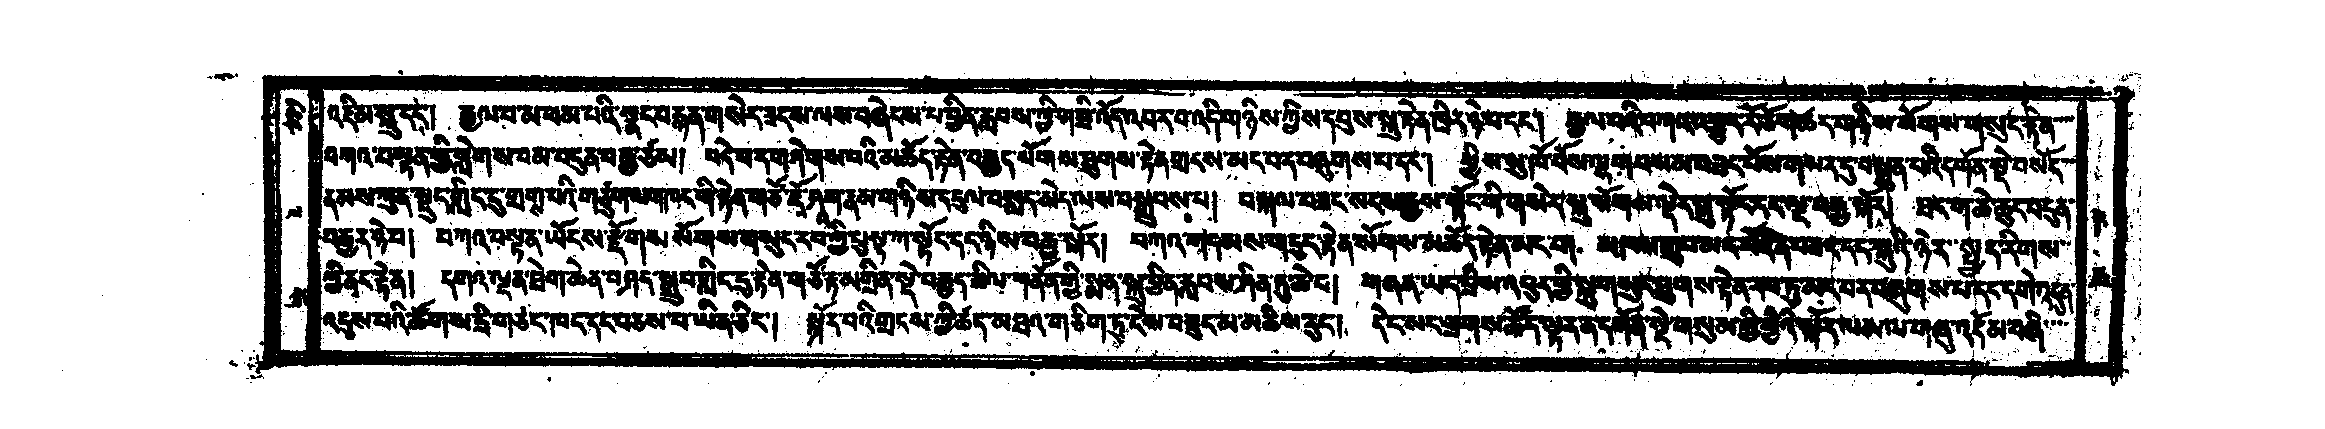འཇིམ་སྐུ་ངད?། རྒྱལ་བ་མ་ཕམ་པའི་སྣང་བརྙན་གསེར་ཟངས་ལས་བཞེངས་པ་བྱིན་རླབས་ཀྱི་གཟི་འོད་འབར་བ་འདི་གཉིས་ཀྱིས་དབུས་སྐུ་རྟེན་ཁྲིར་ཉེ་བ་དང་། རྒྱལ་བའི་བཀའ་འགྱུར་རོ་ཅོག་ཚར་གཉིས་སོགས་གསུང་རྟེན་
བཀའ་བསྟན་གྱི་གླེགས་བམ་བདུན་བརྒྱ་ཙམ། བདེ་བར་གཤེགས་པའི་མཆོད་རྟེན་བརྒྱད་སོགས་ཐུགས་རྟེན་གྲངས་མང་བར་བཞུགས་པ་དང་། ཕྱིས་སུ་ཁོ་བོས་ལྷག་བསམ་བཟང་པོས་གསར་དུ་བསྐྲུན་པའི་དགོན་སྡེ་བསོད་
ནམས་ཀུན་སྡུད་གླིང་དུ་གྲགས་པའི་གཙུག་ལག་ཁང་གི་རྟེན་གཙོ་ཇོ་ཤཱཀ?་རྣམ་གཉིས་དངུལ་བསླད་མེད་ལས་བསྒྲུབས་པ། བསྐལ་བཟང་སངས་རྒྱས་སྟོང་གི་གསེར་སྐུ་སོགས་ལྡེར་སྐུ་སྟོང་དང་ལྔ་བརྒྱ་སྐོར། ཐང་ག་ཆེ་ཆུང་བདུན་
བརྒྱར་ཉེ་བ། བཀའ་བསྟན་ཡོངས་རྫོགས་སོགས་གསུང་རབ་ཀྱི་པུ་སྟ་ཀ་སྟོང་དང་ཉིས་བརྒྱ་སྐོར། བཀའ་གདམས་གདུང་རྟེན་སོགས་མཆོད་རྟེན་མང་བ། མཁས་གྲུབ་མང་པོའི་ན་བཟའ་དང་སྐུའི་ཉེར་སྤྱད་རིགས་
ཀྱི་ནང་རྟེན། དགའ་ལྡན་ཐེག་ཆེན་བཤད་སྒྲུབ་གླིང་དུ་རྟེན་གཙོ་རྟ་མགྲིན་སྡེ་བརྒྱད་ཟིལ་གནོན་གྱི་སྨན་སྐུ་བྱིན་རླབས་ཤིན་ཏུ་ཆེ་བ། གཞན་ཡང་བྲིས་འབུར་གྱི་སྐུ་གསུང་ཐུགས་རྟེན་རབ་ཏུ་མང་བར་བཞུགས་པ་དང་དགེ་འདུན་
འདུས་པའི་ཚོགས་དྲི་གཙང་ཁང་དང་བཅས་པ་ཡིན་ཅིང་། སྐོར་བའི་གྲངས་ཀྱི་ཚད་མཐའ་གཅིག་ཏུ་ངེས་བཟུང་མ་མཆིས་རུང་། དེང་སང་གྲགས་ཚོད་ལྟར་ན་དགོན་སྡེ་གསུམ་གྱི་ཕྱིའི་སྐོར་ལམ་ལ་གཞུ་འདོམ་བཞི་